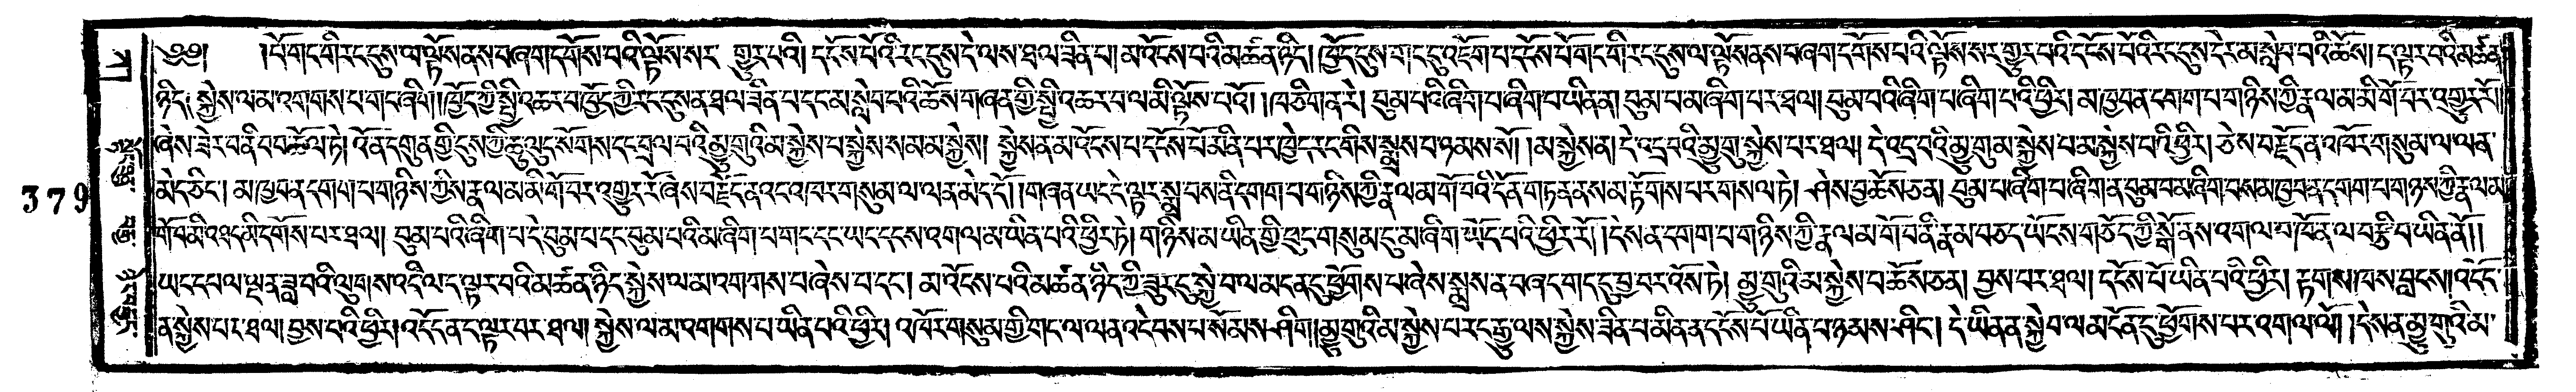༄༅། །པོ་གང་གི་རང་དུས་ལ་ལྟོས་ནས་བཞག་དགོས་བའི་ལྟོས་སར་གྱུར་པའི། དངོས་པོའི་རང་དུས་དེ་ལས་ཐལ་ཟིན་པ། མ་འོངས་པའི་མཚན་ཉིད། ཁྱོད་དུས་གང་དུ་འཇོག་པ་དངོས་པོ་གང་གི་རང་དུས་ལ་ལྟོས་ནས་བཞག་དགོས་པའི་ལྟོས་སར་གྱུར་བའི་དངོས་པོའི་རང་དུས་དེར་མ་སླེབ་བའི་ཆོས། ད་ལྟར་བའི་མཚན་
ཉིད༑ སྐྱེས་ལམ་འགགས་པ་གང་ཞིག །ཁྱོད་ཀྱི་སྤྱི་འཆར་བ་ཁྱོད་ཀྱི་རང་དུས་ན་ཐལ་ཟིན་པ་དང་མ་སླེབ་པའི་ཆོས་གཞན་གྱི་སྤྱི་འཆར་བ་ལ་མི་ལྟོས་པའོ། །ཁ་ཅིག་ན་རེ། བུམ་པའི་ཞིག་བ་ཞིག་བ་ཡིན་ན། བུམ་པ་མ་ཞིག་པར་ཐལ། བུམ་པའི་ཞིག་པ་ཞིག་པའི་ཕྱིར། མ་ཁྱབ་ན་དགག་པ་གཉིས་ཀྱི་རྣལ་མ་མི་གོ་བར་འགྱུར་རོ།།
ཞེས་ཟེར་བ་ནི་བབ་ཆོལ་ཏེ། འོན་དགུན་གྱི་དུས་ཀྱི་ཆུ་ལུང་སོགས་དང་བྲལ་བའི་མྱུ་གུའི་མ་སྐྱེས་བ་སྐྱེས་སམ་མ་སྐྱེས། སྐྱེས་ན་མ་འོངས་པ་དངོས་པོ་མིན་པར་ཁྱེད་རང་གིས་སྨྲས་པ་ཉམས་སོ། །མ་སྐྱེས་ན། དེ་འདྲ་བའི་མྱུ་གུ་སྐྱེས་པར་ཐལ། དེ་འདྲ་བའི་མྱུ་གུ་མ་སྐྱེས་བ་མ་སྐྱེས་པའི་ཕྱིར། ཅེས་བརྗོད་ན་འཁོར་གསུམ་ལ་ལན་
མེད་ཅིང་། མ་ཁྱབ་ན་དགག་པ་གཉིས་ཀྱིས་རྣལ་མ་མི་གོ་བར་འགྱུར་རོ་ཞེས་བརྗོད་ནའང་འཁར་གསུམ་ལ་ལན་མེད་དོ། །གཞན་ཡང་དེ་ལྟར་སྨྲ་བས་ནི་དགག་པ་གཉིས་ཀྱི་རྣལ་མ་གོ་བའི་དོན་གཏན་ནས་མ་རྟོགས་པར་གསལ་ཏེ། ཤེས་བྱ་ཆོས་ཅན། བུམ་པ་ཞིག་པ་ཞིག་ན་བུམ་པ་མ་ཞིག་བསམ་ཁྱབ་ན་དགག་པ་གཉིས་ཀྱི་རྣལ་མ་
གོ་བ་མི་འཐད་མི་དགོས་པར་ཐལ། བུམ་པའི་ཞིག་པ་དེ་བུམ་པ་དང་བུམ་པའི་མ་ཞིག་པ་གང་དང་ཡང་དངས་འགལ་མ་ཡིན་པའི་ཕྱིར་ཏེ། གཉིས་མ་ཡིན་གྱི་ཕུང་གསུམ་དུ་མ་ཞིག་ཡོད་པའི་ཕྱིར་རོ། །དེས་ན་དགག་པ་གཉིས་ཀྱི་རྣལ་མ་གོ་བ་ནི་རྣམ་བཅད་ཡོངས་གཅོད་ཀྱི་སྒོ་ནས་འགལ་བ་ཁོ་ན་ལ་བརྩི་བ་ཡིན་ནོ།།
ཡང་དཔལ་ལྡན་ཟླ་བའི་ལུགས་འདི་ལ་ད་ལྟར་བའི་མཚན་ཉིད་སྐྱེས་ལ་མ་འགགས་པ་ཞེས་བ་དང་། མ་འོངས་པའི་མཚན་ཉིད་ཀྱི་ཟུར་དུ་སྐྱེ་བ་ལ་མངན་དུ་ཕྱོགས་པ་ཞེས་སྨྲས་ན་བཞད་གང་དུ་བྱ་བར་འོས་ཏེ། མྱུ་གུའི་མ་སྐྱེས་བ་ཆོས་ཅན། བྱས་པར་ཐལ། དངོས་པོ་ཡིན་པའི་ཕྱིར། རྟགས་ཁས་བླངས། འདོད་
ན་སྐྱེས་པར་ཐལ། བྱས་པའི་ཕྱིར། འདོད་ན་ད་ལྟར་བར་ཐལ། སྐྱེས་ལ་མ་འགགས་པ་ཡིན་པའི་ཕྱིར། འཁོར་གསུམ་གྱི་གང་ལ་ལན་འདེབས་པ་སོམས་ཤིག། མྱུ་གུའི་མ་སྐྱེས་པ་རང་རྒྱུ་ལས་སྐྱེས་ཟིན་པ་མིན་ན་དངོས་པོ་ཡིན་པ་ཉམས་ཤིང་། དེ་ཡིན་ན་སྐྱེ་བ་ལ་མངོན་དུ་ཕྱོགས་པར་འགལ་ལོ། །དེས་ན་མྱུ་གུའི་མ་